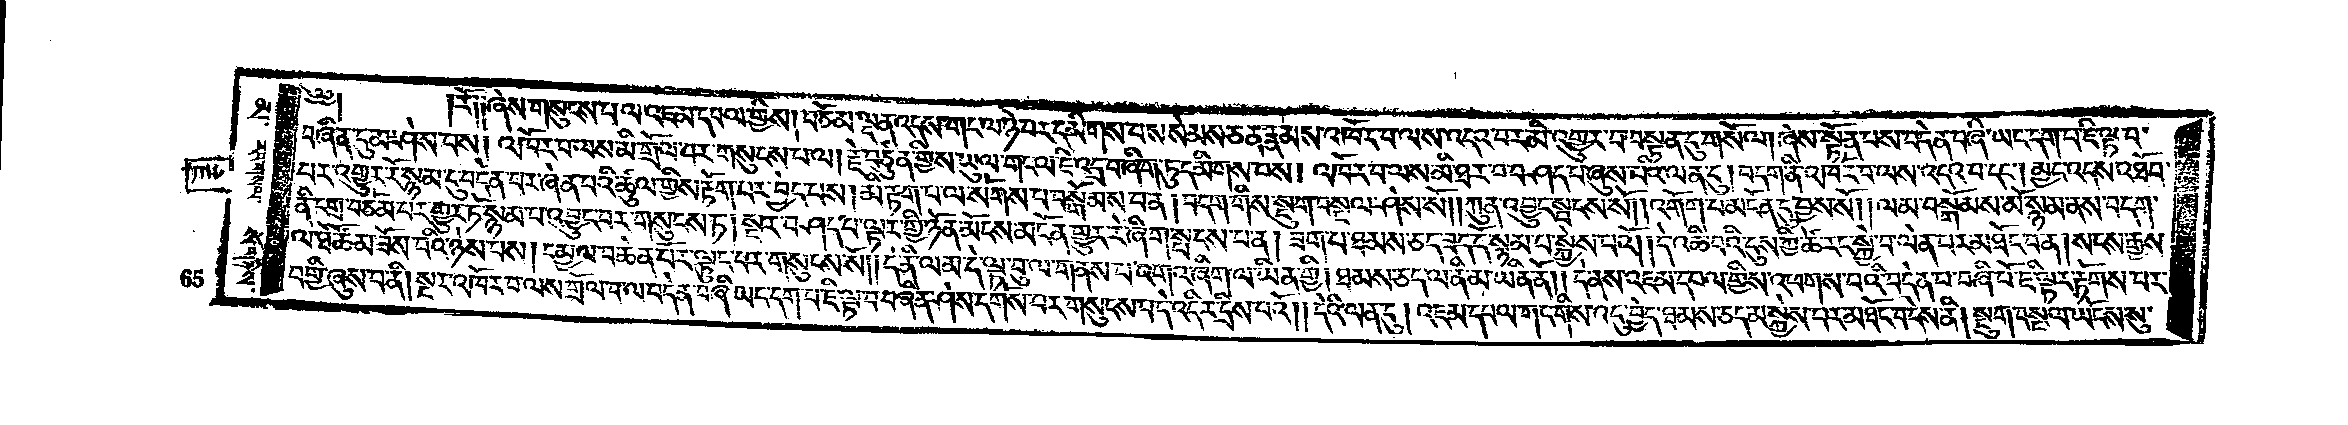༄༅། །རོ། །ཞེས་གསུངས་པ་ལ་འཇམ་དཔལ་གྱིས། བཅོམ་ལྡན་འདས་གང་ལ་ཉེ་བར་དམིགས་པས་སེམས་ཅན་རྣམས་འཁོར་བ་ལས་འདའ་བར་མི་འགྱུར་བ་བསྟན་དུ་གསོལ། ཞེས་སྟོན་པས་བདེན་བཞི་ཡང་དག་པ་ཇི་ལྟ་བ་
བཞིན་དུ་མ་ཤེས་པས། འཁོར་བ་ལས་མི་གྲོལ་བར་གསུངས་པ་ལ། རྗེ་བཙུན་གྱིས་ཡུལ་གང་ལ་ཇི་འདྲ་བ་ཞིག་ཏུ་དམིགས་པས། འཁོར་བ་ལས་མི་ཐར་བ་བཤད་པ་ཞུས་པའི་ལན་དུ། བདག་ནི་འཁོར་བ་ལས་འདའ་བ་དང་། མྱང་འདས་འཐོབ་
པར་འགྱུར་རོ་སྙམ་དུ་བདེན་པར་ཞེན་པའི་ཚུལ་གྱིས་རྟོག་པར་བྱེད་པས། མི་རྟག་པ་ལ་སོགས་པ་བསྒོམས་པ་ན། བདག་གིས་སྡུག་བསྔལ་ཤེས་སོ། །ཀུན་འབྱུང་སྤངས་སོ། །འགོག་པ་མངོན་དུ་བྱས་སོ། །ལམ་བསྒོམས་སོ་སྙམ་ནས་བདག་
ནི་དགྲ་བཅོམ་པར་གྱུར་ཏོ་སྙམ་པ་འབྱུང་བར་གསུངས་ཏེ། སྔར་བཤད་པ་ལྟར་གྱི་ཉོན་མོངས་མངོན་གྱུར་རེ་ཞིག་སྤངས་པ་ན། ཟག་པ་ཐམས་ཅད་ཟད་དོ་སྙམ་པ་སྐྱེས་པའོ། །དེ་འཆི་བའི་དུས་ཀྱི་ཚེ་རང་སྐྱེ་བ་ལེན་པར་མཐོང་བ་ན། སངས་རྒྱས་
ལ་ཐེ་ཚོམ་ཟོས་བའི་ཉེས་པས། དམྱལ་བ་ཆེན་པོར་ལྟུང་བར་གསུངས་སོ། །དེ་ནི་ལམ་དེ་ལྟ་བུ་ལ་གནས་པ་འགའ་ཞིག་ལ་ཡིན་གྱི། ཐམས་ཅད་ལ་ནི་མ་ཡིན་ནོ། །དེ་ནས་འཇམ་དཔལ་གྱིས་འཕགས་པའི་བདེན་པ་བཞི་པོ་ཇི་ལྟར་རྟོགས་པར་
བགྱི་ཞུས་པ་ནི། སྔར་འཁོར་བ་ལས་གྲོལ་བ་ལ་བདེན་བཞི་ཡང་དག་པ་ཇི་ལྟ་བ་བཞིན་ཤེས་དགོས་པར་གསུངས་བ་དེ་འདིར་དྲིས་པའོ། །དེའི་ལན་དུ། འཇམ་དཔལ་གང་གིས་འདུ་བྱེད་ཐམས་ཅད་མ་སྐྱེས་པར་མཐོང་བ་དེས་ནི། སྡུག་བསྔལ་ཡོངས་སུ་